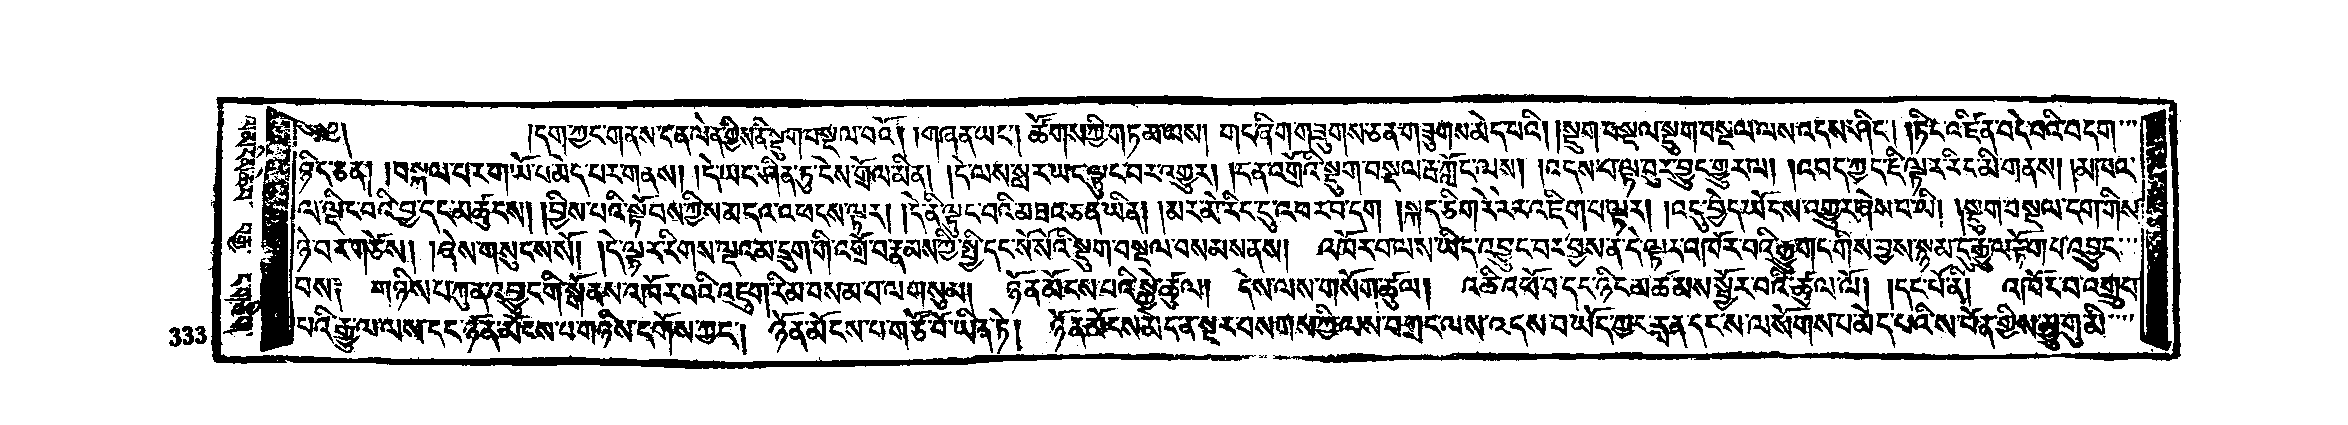༄༅། །དག་ཀྱང་གནས་ངན་ལེན་གྱིས་ནི་སྡུག་བསྔལ་བའོ། །གཞན་ཡང་། ཚོགས་ཀྱི་གཏམ་ལས། གང་ཞིག་གཟུགས་ཅན་གཟུགས་མེད་པའི། །སྡུག་བསྔལ་སྡུག་བསྔལ་ལས་འདས་ཤིང་། །ཏིང་འཛིན་བདེ་བའི་བདག་
ཉིད་ཅན། །བསྐལ་པར་གཡོ་བ་མེད་པར་གནས། །དེ་ཡང་ཤིན་ཏུ་ངེས་གྲོལ་མིན། །དེ་ལས་སླར་ཡང་ལྟུང་བར་འགྱུར། །ངན་འགྲོའི་སྡུག་བསྔལ་རྦ་ཀློང་ལས། །འདས་པ་ལྟ་བུར་བྱུང་གྱུར་ལ། །འབད་ཀྱང་ཇི་ལྟར་རིང་མི་གནས། །མཁའ་
ལ་ལྡིང་བའི་བྱ་དང་མཚུངས། །བྱིས་པའི་སྟོབས་ཀྱིས་མདའ་འཕངས་ལྟར། །དེ་ནི་ལྟུང་བའི་མཐའ་ཅན་ཡིན། །མར་མེ་རིང་དུ་འབར་བ་དག །སྐད་ཅིག་རེ་རེར་འཇིག་པ་ལྟར། །འདུ་བྱེད་ཡོངས་འགྱུར་ཞེས་པ་ཡི། །སྡུག་བསྔལ་དག་གིས་
ཉེ་བར་གཙེས། །ཞེས་གསུངས་སོ། །དེ་ལྟར་རིགས་ལྔའམ་དྲུག་གི་འགྲོ་བ་རྣམས་ཀྱི་སྤྱི་དང་སོ་སོའི་སྡུག་བསྔལ་བསམས་ནས། འཁོར་བ་ལས་ཡིད་འབྱུང་བར་བྱས་ན་དེ་ལྟར་འཁོར་བའི་རྒྱུ་གང་གིས་བྱས་སྙམ་དུ་རྒྱུ་ལ་རྟོག་པ་འབྱུང་
བས༑ གཉིས་པ་ཀུན་འབྱུང་གི་སྒོ་ནས་འཁོར་བའི་འཇུག་རིམ་བསམ་པ་ལ་གསུམ། ཉོན་མོངས་པའི་སྐྱེ་ཚུལ། དེས་ལས་གསོག་ཚུལ། འཆི་འཕོ་བ་དང་ཉིང་མཚམས་སྦྱོར་བའི་ཚུལ་ལོ། །དང་པོ་ནི། འཁོར་བ་འགྲུབ་
པའི་རྒྱུ་ལ་ལས་དང་ཉོན་མོངས་པ་གཉིས་དགོས་ཀྱང་། ཉོན་མོངས་པ་གཙོ་བོ་ཡིན་ཏེ། ཉོན་མོངས་མེད་ན་སྔར་བསགས་ཀྱི་ལས་བགྲང་ལས་འདས་པ་ཡོད་ཀྱང་རླན་དང་ས་ལ་སོགས་པ་མེད་པའི་ས་བོན་གྱིས་མྱུ་གུ་མི་